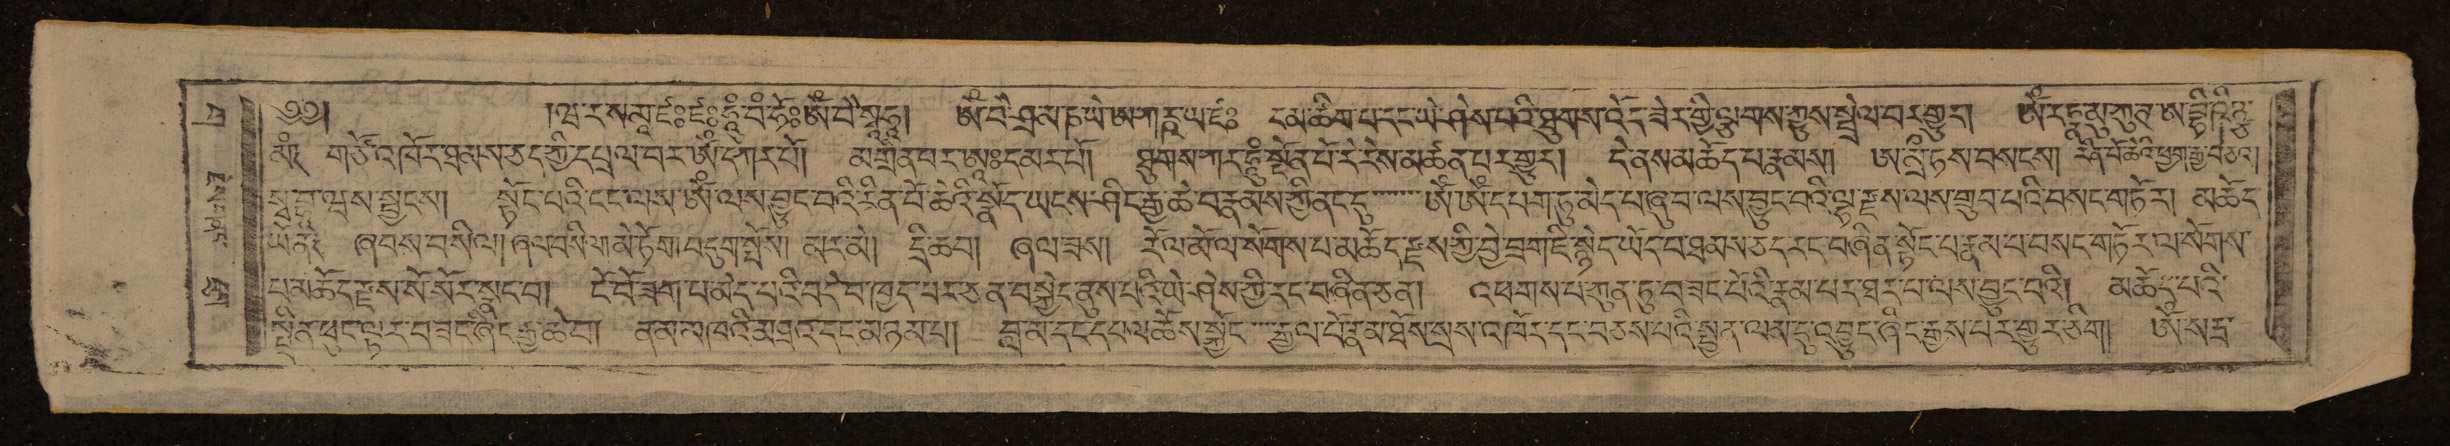༄༅། །ཝ་ར་ས་མཱ་ཛཿཛཿཧཱུཾ་བཾ་ཧོཿཨོཾ་བཻ་སྭཱཧཱ། ཨོཾ་བཻ་ཤྲ་མ་ཎ་ཡེ་ཨ་ཀརྵ་ཡ་ཛཿ དམ་ཚིག་པ་དང་ཡེ་ཤེས་པའི་ཐུགས་འོད་ཟེར་གྱི་ལྕགས་ཀྱུས་སྦྲེལ་བར་གྱུར། ཨོཾ་རཏྣ་མུ་ཀུ་ཊ་ཨ་བྷི་ཥིཉྩ་
མི༑ གཙོ་འཁོར་ཐམས་ཅད་ཀྱི་དཔྲལ་བར་ཨོཾ་དཀར་པོ། མགྲིན་པར་ཨཱཿདམར་པོ། ཐུགས་ཀར་ཧཱུཾ་སྔོན་པོ་རེ་རེས་མཚན་པར་གྱུར། དེ་ནས་མཆོད་པ་རྣམས། ཨ་མྲྀ་ཏས་བསངས། རིན་པོ་ཆེའི་ཕྱག་རྒྱ་བཅག་
སྭ་བྷཱ་ཝས་སྦྱངས། སྟོང་པའི་ངང་ལས་ཨོཾ་ལས་བྱུང་བའི་རིན་པོ་ཆེའི་སྣོད་ཡངས་ཤིང་རྒྱ་ཆེ་བ་རྣམས་ཀྱི་ནང་དུ་ཨོཾ་ཨོཾ་དཔག་ཏུ་མེད་པ་ཞུ་བ་ལས་བྱུང་བའི་ལྷ་རྫས་ལས་གྲུབ་པའི་བསང་གཏོར། མཆོད་
ཡོན༑ ཞབས་བསིལ། ཞལ་བསིལ། མེ་ཏོག། བདུག་སྤོས། མར་མེ། དྲི་ཆབ། ཞལ་ཟས། རོལ་མོ་ལ་སོགས་པ་མཆོད་རྫས་ཀྱི་བྱེ་བྲག་ཇི་སྙེད་ཡོད་པ་ཐམས་ཅད་རང་བཞིན་སྟོང་པ་རྣམ་པ་བསང་གཏོར་ལ་སོགས་
པ་མཆོད་རྫས་སོ་སོར་སྣང་བ། ངོ་བོ་ཟག་པ་མེད་པའི་བདེ་བ་ཁྱད་པར་ཅན་བསྐྱེད་ནུས་པའི་ཡེ་ཤེས་ཀྱི་རང་བཞིན་ཅན། འཕགས་པ་ཀུན་ཏུ་བཟང་པོའི་རྣམ་པར་ཐར་པ་ལས་བྱུང་བའི། མཆོད་པའི་
སྤྲིན་ཕུང་ལྟར་བཟང་ཞིང་རྒྱ་ཆེ་བ། ནམ་མཁའི་མཐའ་དང་མཉམ་པ། བླ་མ་དང་དཔལ་ཆོས་སྐྱོང་རྒྱལ་པོ་རྣམ་ཐོས་སྲས་འཁོར་དང་བཅས་པའི་སྤྱན་ལམ་དུ་འབྱུང་ཞིང་རྒྱས་པར་གྱུར་ཅིག། ཨོཾ་སརྦ་